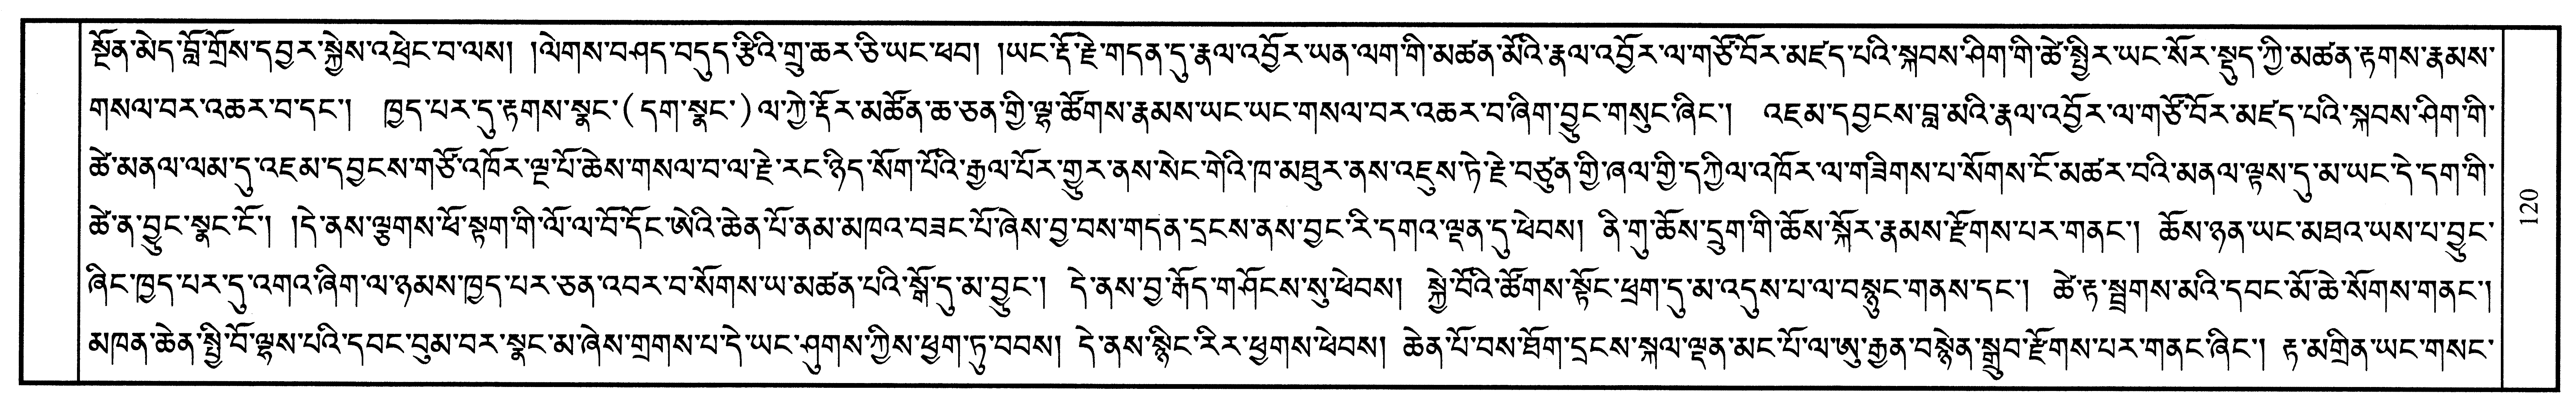སྔོན་མེད་བློ་གྲོས་དབྱར་སྐྱེས་འཕྲེང་བ་ལས། །ལེགས་བཤད་བདུད་རྩིའི་གྲུ་ཆར་ཅི་ཡང་ཕབ། །ཡང་རྡོ་རྗེ་གདན་དུ་རྣལ་འབྱོར་ཡན་ལག་གི་མཚན་མོའི་རྣལ་འབྱོར་ལ་གཙོ་བོར་མཛད་པའི་སྐབས་ཤིག་གི་ཚེ་སྤྱིར་ཡང་སོར་སྡུད་ཀྱི་མཚན་རྟགས་རྣམས་
གསལ་བར་འཆར་བ་དང་། ཁྱད་པར་དུ་རྟགས་སྣང་དག་སྣང་ལ་ཀྱེ་རྡོར་མཚོན་ཆ་ཅན་གྱི་ལྷ་ཚོགས་རྣམས་ཡང་ཡང་གསལ་བར་འཆར་བ་ཞིག་བྱུང་གསུང་ཞིང་། འཇམ་དབྱངས་བླ་མའི་རྣལ་འབྱོར་ལ་གཙོ་བོར་མཛད་པའི་སྐབས་ཤིག་གི་
ཚེ་མནལ་ལམ་དུ་འཇམ་དབྱངས་གཙོ་འཁོར་ལྔ་པོ་ཆེས་གསལ་བ་ལ་རྗེ་རང་ཉིད་སོག་པོའི་རྒྱལ་པོར་གྱུར་ནས་སེང་གེའི་ཁ་མཐུར་ནས་འཇུས་ཏེ་རྗེ་བཙུན་གྱི་ཞལ་གྱི་དཀྱིལ་འཁོར་ལ་གཟིགས་པ་སོགས་ངོ་མཚར་བའི་མནལ་ལྟས་དུ་མ་ཡང་དེ་དག་གི་
ཚེ་ན་བྱུང་སྣང་ངོ། །དེ་ནས་ལྕགས་ཕོ་སྟག་གི་ལོ་ལ་བོ་དོང་ཨེའི་ཆེན་པོ་ནམ་མཁའ་བཟང་པོ་ཞེས་བྱ་བས་གདན་དྲངས་ནས་བྱང་རི་དགའ་ལྡན་དུ་ཕེབས། ནི་གུ་ཆོས་དྲུག་གི་ཆོས་སྐོར་རྣམས་རྫོགས་པར་གནང་། ཆོས་ཉན་ཡང་མཐའ་ཡས་པ་བྱུང་
ཞིང་ཁྱད་པར་དུ་འགའ་ཞིག་ལ་ཉམས་ཁྱད་པར་ཅན་འབར་བ་སོགས་ཡ་མཚན་པའི་སྒོ་དུ་མ་བྱུང་། དེ་ནས་བྱ་རྒོད་གཤོངས་སུ་ཕེབས། སྐྱེ་བོའི་ཚོགས་སྟོང་ཕྲག་དུ་མ་འདུས་པ་ལ་བསྙུང་གནས་དང་། ཚེ་རྟ་སྦྲགས་མའི་དབང་མོ་ཆེ་སོགས་གནང་།
མཁན་ཆེན་སྤྱི་བོ་ལྷས་པའི་དབང་བུམ་བར་སྣང་མ་ཞེས་གྲགས་པ་དེ་ཡང་ཤུགས་ཀྱིས་ཕྱག་ཏུ་བབས། དེ་ནས་སྙིང་རིར་ཕྱག་ཕེབས། ཆེན་པོ་བས་ཐོག་དྲངས་སྐལ་ལྡན་མང་པོ་ལ་ཨུ་རྒྱན་བསྙེན་སྒྲུབ་རྫོགས་པར་གནང་ཞིང་། རྟ་མགྲིན་ཡང་གསང་